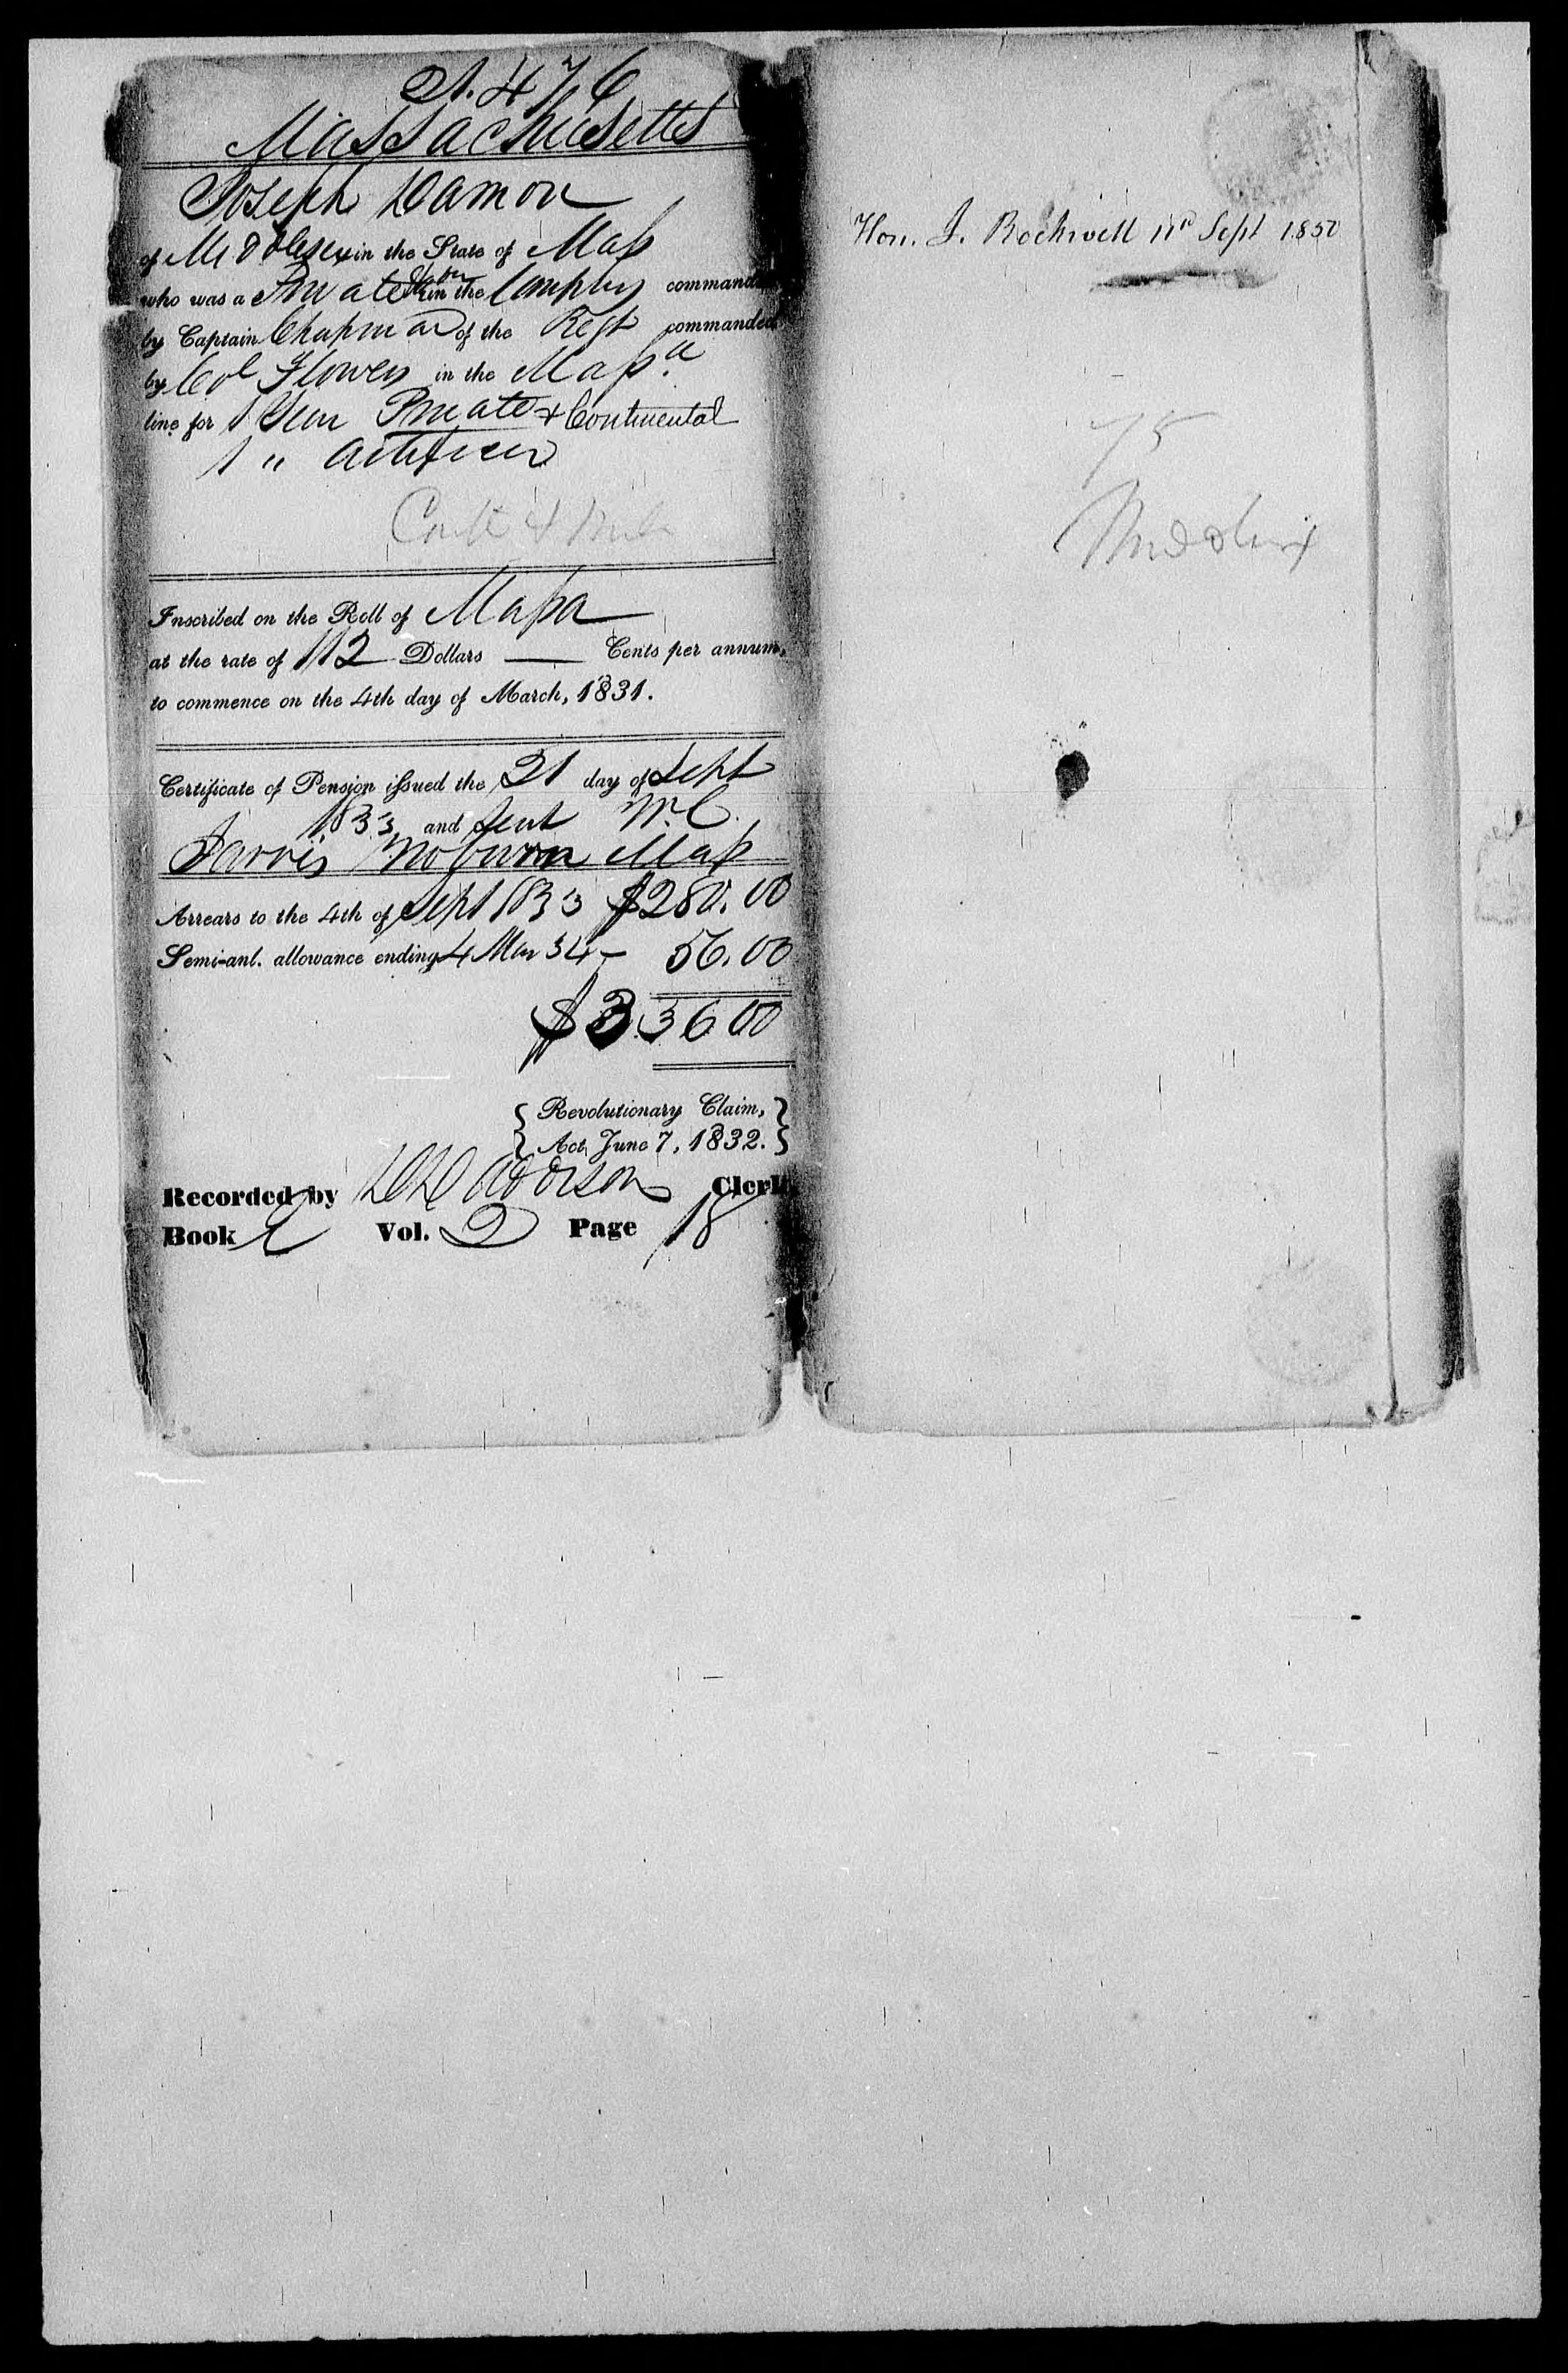S.476
Massachusetts
Joseph Damon
of Middlesex in the State of Mass
who was a Private & Artificer in the Company commanded by Captain Chapman of the Reg't commanded by Col Flowers in the Massa
line for 1 Year Private & Continental
              1 "      Artificer
--------------------
Inscribed on the Roll of Massa
at the rate of 112 Dollars - Cents per annum
to commence on the 4th day of March 1831.
---------------------
Certificate of Pension issued the 21 day of Sept
1833 and Sent W. C. Jarvis Woburn Mass
---------------------
Arrears to the 4th Sept 1833 $280.00
Semi-anl. allowance ending 4 Mar 34 - 56.00
------------
$336.00
------------
{Revolutionary Claim,
Act June 7, 1832.}
Recorded by D D Addison Clerk
Book C  Vol.2  Page 18

Hon. J. Rockwell 11th Sept 1850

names: Joseph Damon, W C Jarvis, Chapman, J Rockwell, D D Addison, Flowers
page: 2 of 28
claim: survivor's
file: S. 17376, Joseph Damon, Continental Mass.